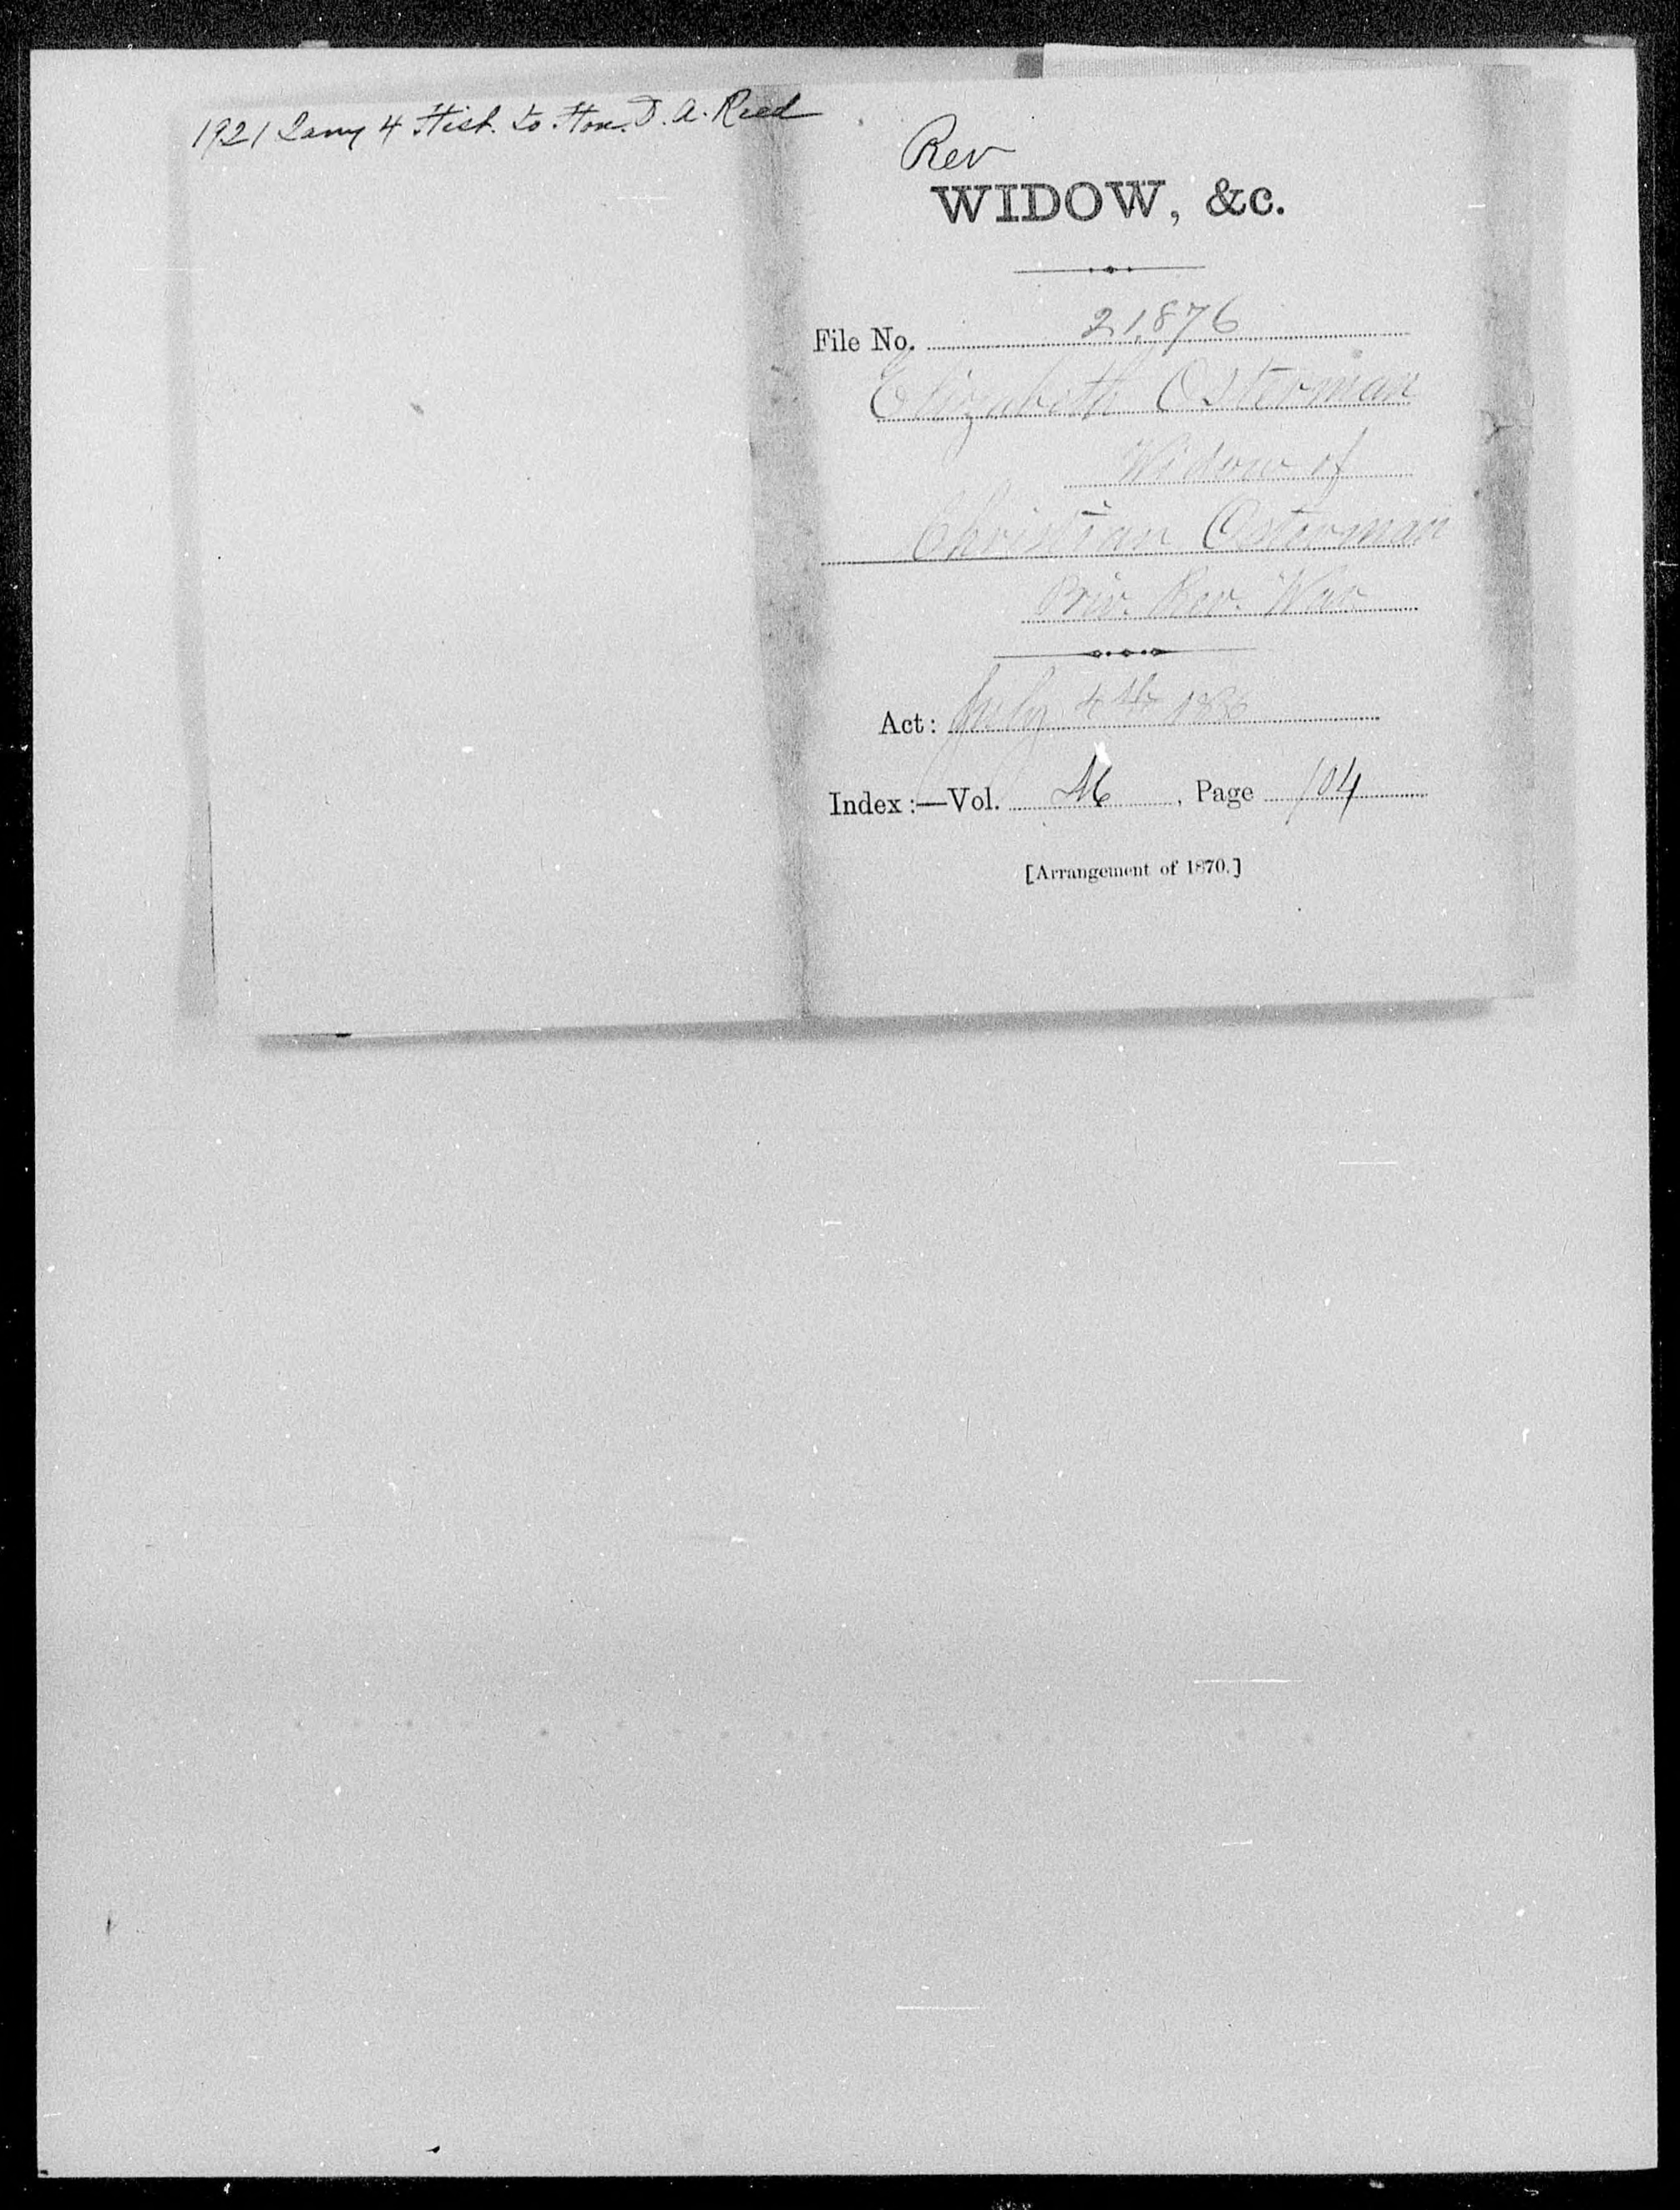1921 Jany 4 Hist. to Hon. D.A. Reed

Rev 
Widow, & c. 

File No. 21.876
Elizabeth Osterman 
Widow of Christian Osterman 
Priv. Rev. War
Act: July 4, 1836

Index:- Vol. M, Page 104

[Arrangement of 1870.]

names: Christian Osterman; D A Reed; Elizabeth Osterman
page: 12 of 40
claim: widow's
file: W. 21876, for Christian Osterman, New York